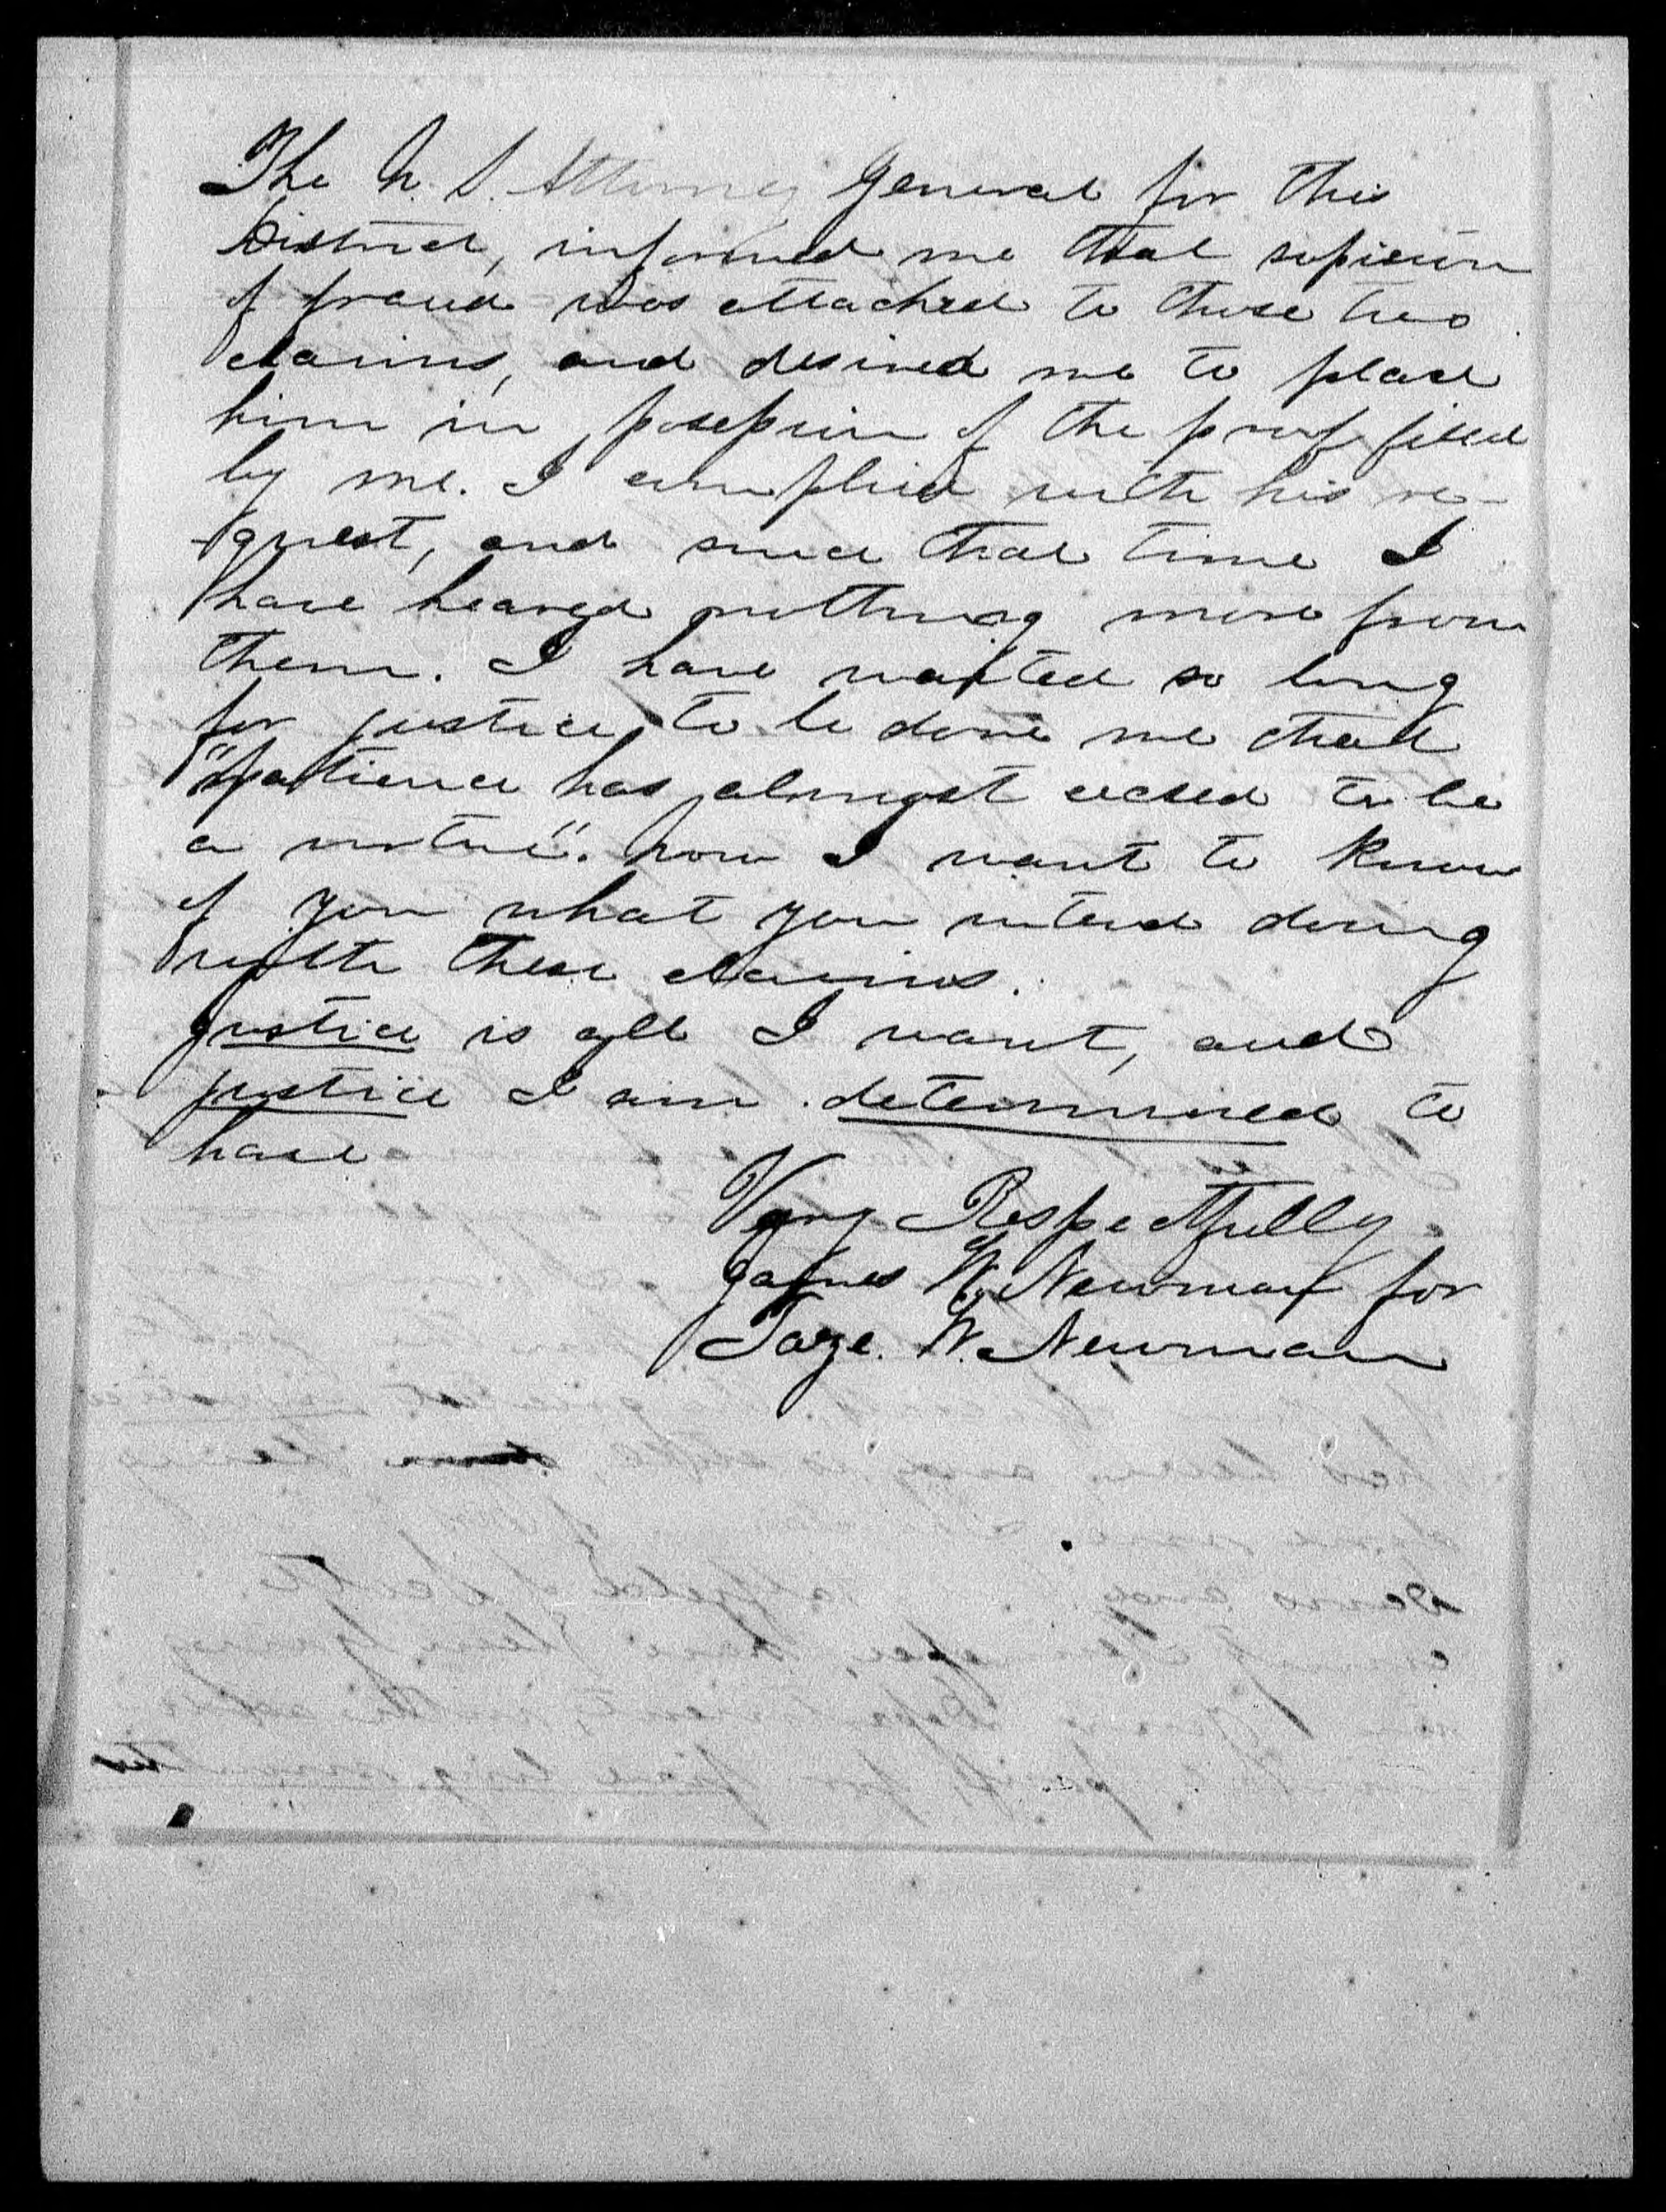The Jr. S. Attorney General for this District, informed me that suspicion of fraud was attached to these two claims, and desired me to place him in possession of the proof filed by me. I complied with his request, and since that time I have heard nothing more from them. I have waited so long for justice to be done me that "patience has almost ceased to be a virtue." Now I want to know if you what you intend doing with these claims.
Justice is all I want, and justice I am determined to have.
Very Respectfully
James W Newman for
Taze W. Newman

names: Taze W Newman, James W Newman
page: 17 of 74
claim: widow's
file: W. 5, Joseph Hatfield, Va.